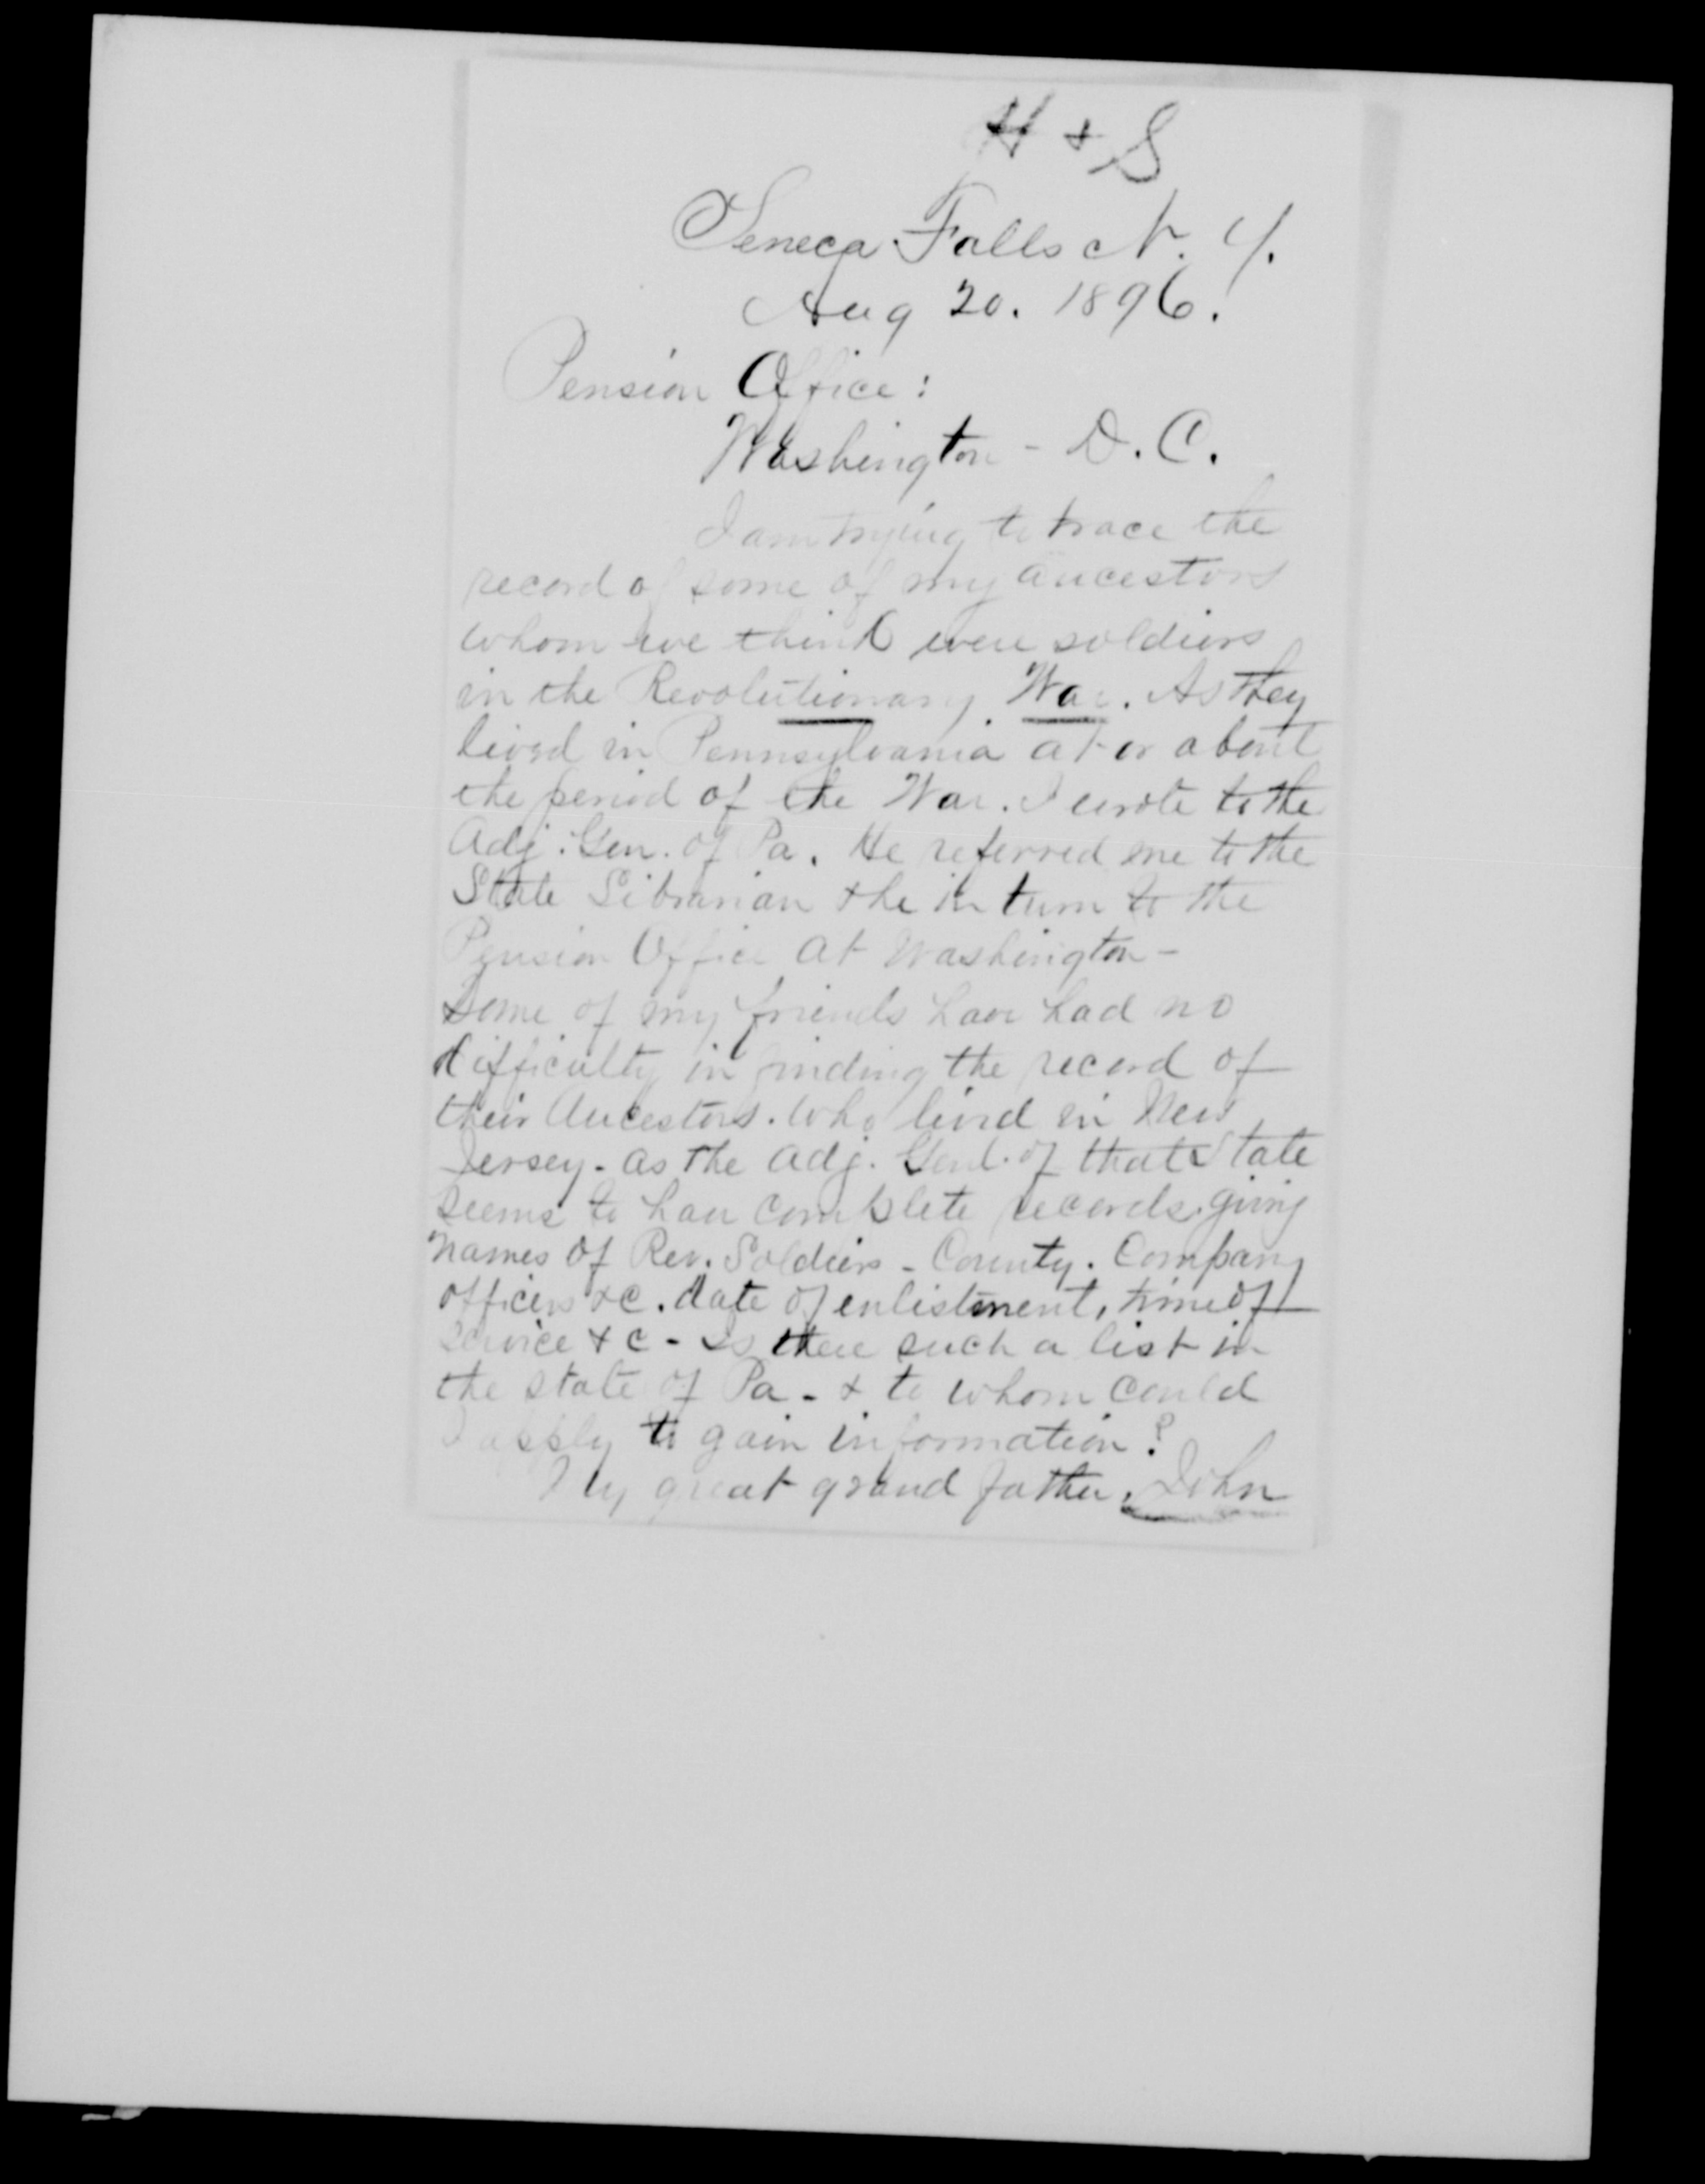H & S
Seneca Falls N.Y.
Aug 20 1896
Pension Office:
Washington D. C.
I am trying to trace the record of some of my ancestors whom we think were soldiers in the Revolutionary War.  As they lived in Pennsylvania after about the period of the War.  I wrote to the Adj. Gen of Pa. He referred me to the State Librarian & he in turn to the Pension Office at Washington - Some of my friends have had no difficulty in finding the record of their Ancestors.  Who lived in New Jersey. As the Adj. Genl of that State seems to have complete records fiving names of Rev. Soldiers _ County. Company officers &c. date of enlistment, time of service &c - Is there such a list in the state of Pa_ & to whom could I apply to gain information?
My great grandfather, John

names: John [BLANK]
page: 16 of 23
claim: survivor's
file: S. 23008, for Benjamin Stage, New York